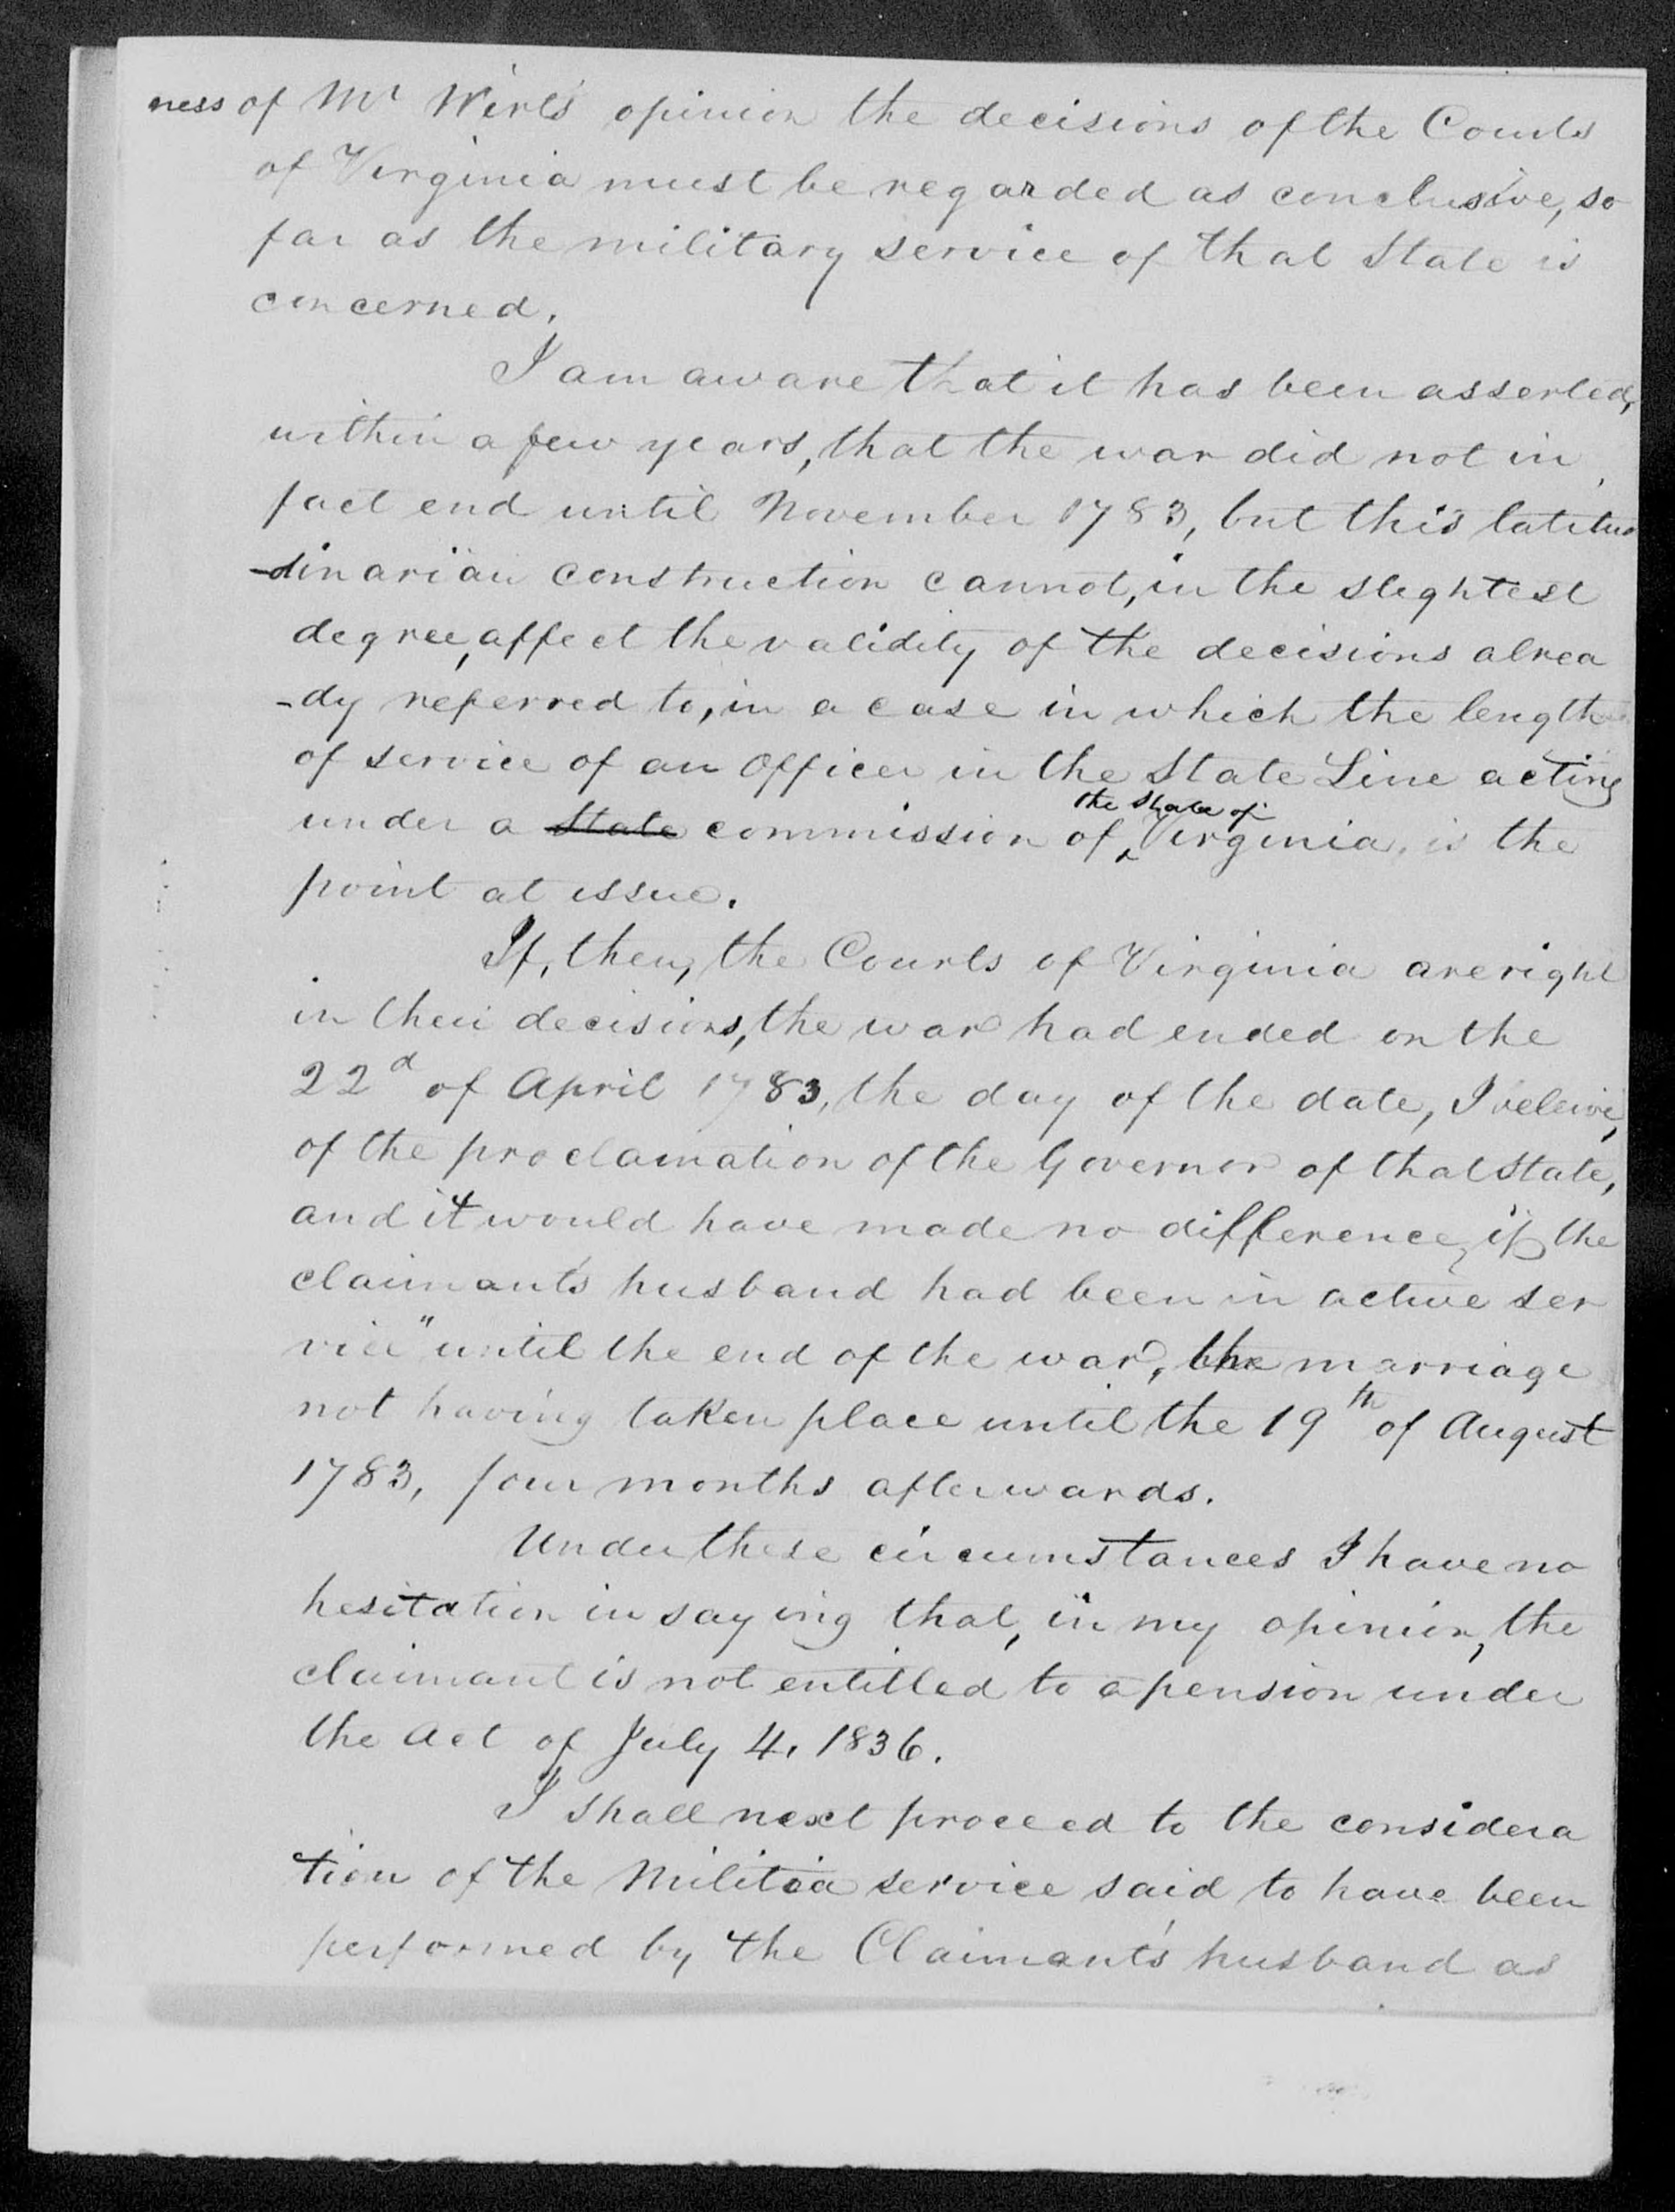ness of Mr Wirt's opinion the decisions of the Court of Virginia must be regarded as conclusive, so far as the military service of that State is concerned.
I am aware that it has been asserted, within a few years, that the war did not in fact end until November 1783, but this latitudinarian construction cannot, in the slightest degree, affect the validity of the decisions already referred to, in a case in which the length of service of an Officer in the State Line acting under a [cross out] State [end cross out] commission of [insert] the State of [end insert] Virginia is the point at issue.
If, then, the Courts of Virginia are right in their decisions, the war had ended on the 22d of April 1783, the day of the date, I believe, of the proclamation of the Governor of that State, and it would have made no difference, if, the claimants husband had been in active service until the end of the war, the marriage not having taken place until the 19th of August 1783, four months afterwards.
Under these circumstances I have no hesitation in saying that, in my opinion, the claimant is not entitled to a pension under the Act of July 4. 1836.
I shall next proceed to the consideration of the Militia service said to have been performed by the Claimant's husband as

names: Wirt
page: 86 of 267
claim: widow's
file: W. 4,149, William Campbell, Va.